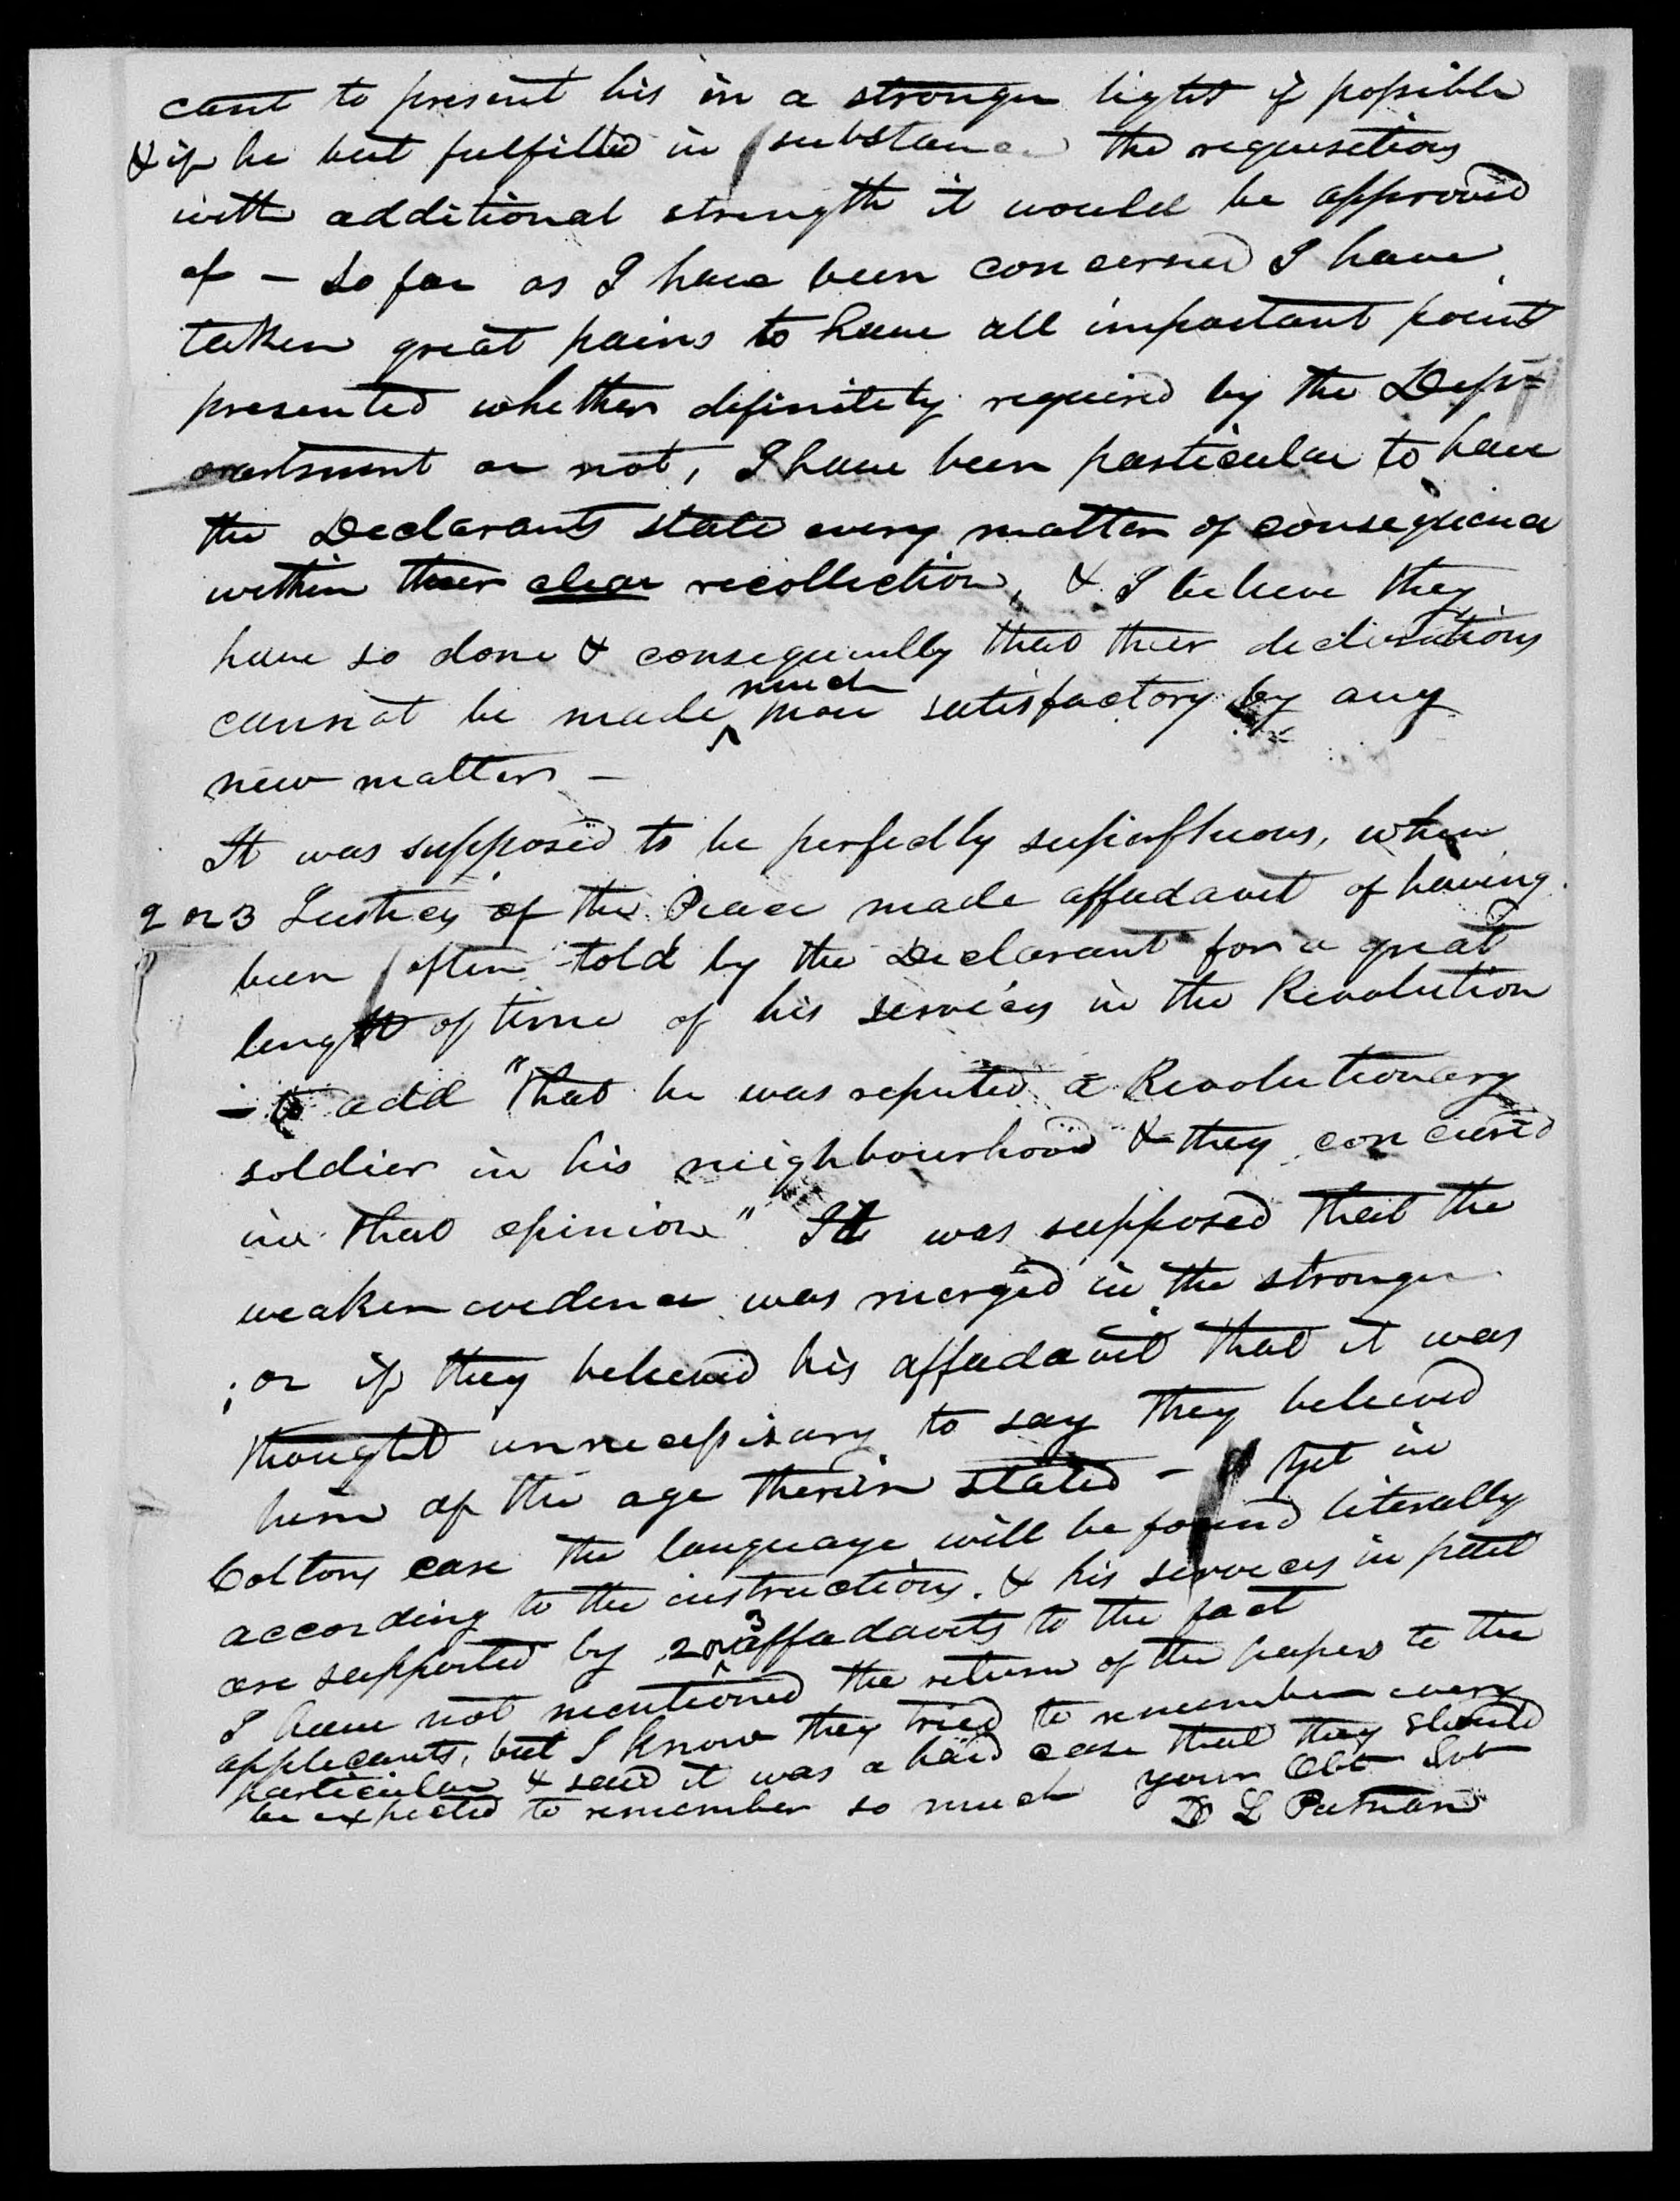cant to present his in a stronger light if possible & if he but fulfilled in substance the requisitions with additional strength it would be approved of. So far as I have been concerned I have taken great pains to have all important points presented whether definitely required by the Department or not, I have been particular to have the Declarants state every matter of consequence within their clear recollection, & I believe they have so done & consequently that their declarations
cannot be made much more satisfactory by any new matter.
It was supposed to be perfectly superfluous, when 2 or 3 Justice of the Peace made affidavit of having been often told by the declarant for a great length of time of his services in the Revolution - to add "that he was reputed a Revolutionary soldier in his neighbourhood & they concured in that opinion." It was supposed that the weaken evidence was merged in the stronger; or if they believed his affidavit that it was thought unnecessary to say they believed him of the age therein stated - Yet in Coltons case the language will be found literally according to the instructions, & his services in part are supported by 2 or 3 affidants to the fact
I have not mentioned the return of the papers to the applicants, but I know they tried to remember every particular & said it was a hard case that they should
be expected to remember so much.
Your Obt Svt
D L Putman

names: D L Putnam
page: 46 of 49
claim: widow's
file: W. 2164, for George Porter, Massachusetts